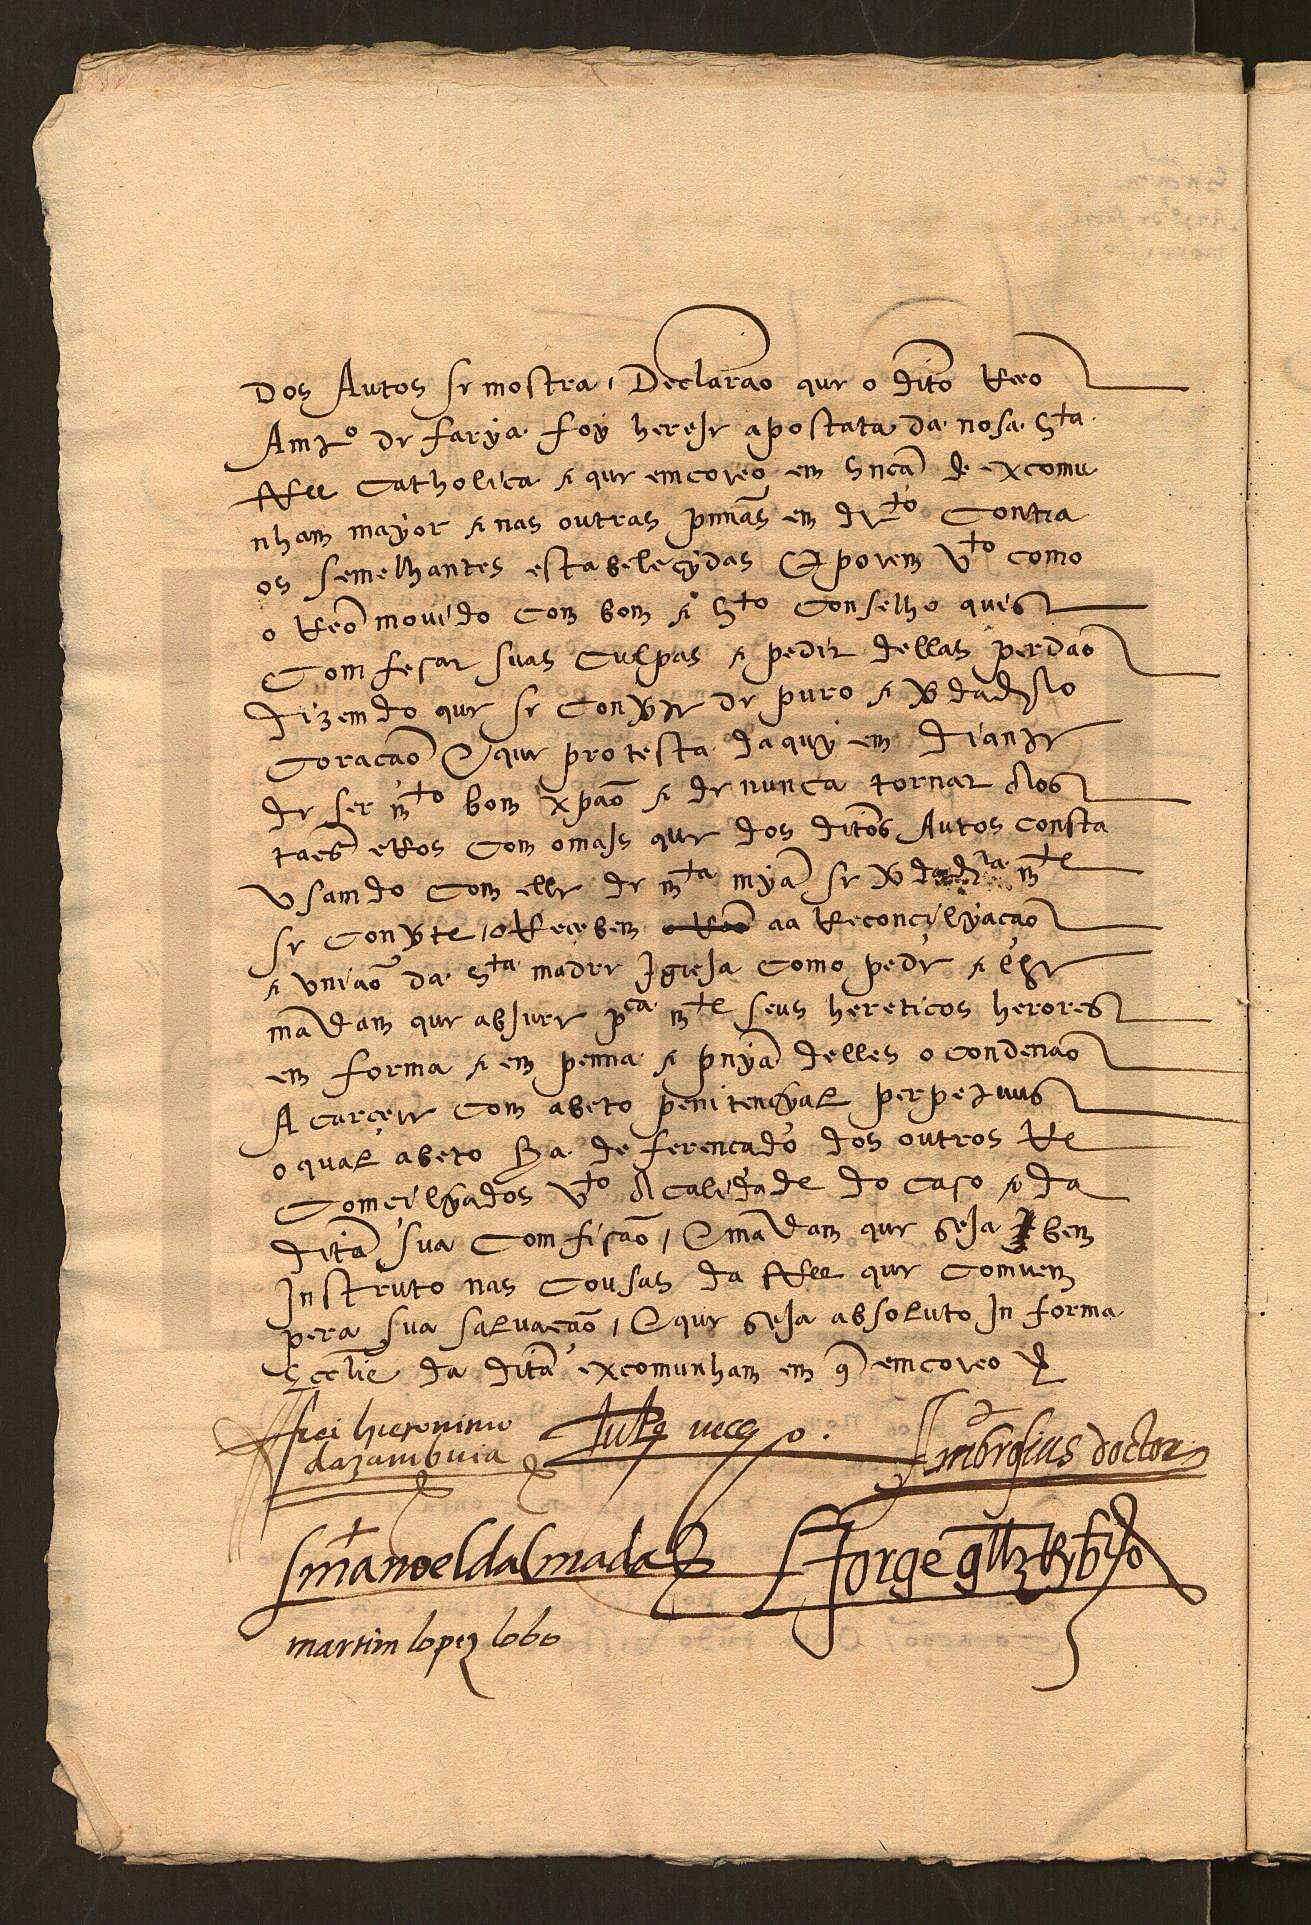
Dos Autos Se mostra / Declarão que o d̄ito Reo
Amto de farya foy hereJe apostata da nosa Sta.
ffee Catholica e que emcoreo em Snçā de excomu
nham mayor e nas outras pnnās em drto Contra
os Semelhantes estabelecydas E porem Vto como
o Rēo mouido com bom e Sto conselho quis
Comfesar Suas Culpas e pedir dellas perdaõ
dizemdo que Se conꝟte de puro e ꝟdadjro
Coração e que protesta daquy em diante
de ser mto bom xpão e de nunca tornar Aos
taēs eRos com o maJs que dos dītos Autos consta
Vsamdo com elle de mta myā se ꝟdaderamte
Se conꝟte / o Recebem o Rēo aa Reconcilyaçaõ
e vniaõ da Sta madre JgreJa como pede e lhe
mādam que abJure pcamte seus hereticos herores
em forma e em penna e pnȳa delles o condenaõ
A carcere com abeto penitencyal perpetuus
o qual abeto ꞩa deferençado dos outros Re
Comcilyados Vto A calidade do caso e da
dita Sua Comfisão / e mādam que seJa _ bem
Jnstruto nas Cousas da fee que comuem
pera Sua Saluação / e que seJa absoLuto Jn forma
Ecc̄lie da dīta excomunham em q̄ emcoreo
frei hieronimo
dazambuia
ĪuLꝯ uelho
Ambrosius doctor
manoel dalmada
Jorge ḡllz Rybro
martim lopez lobo
